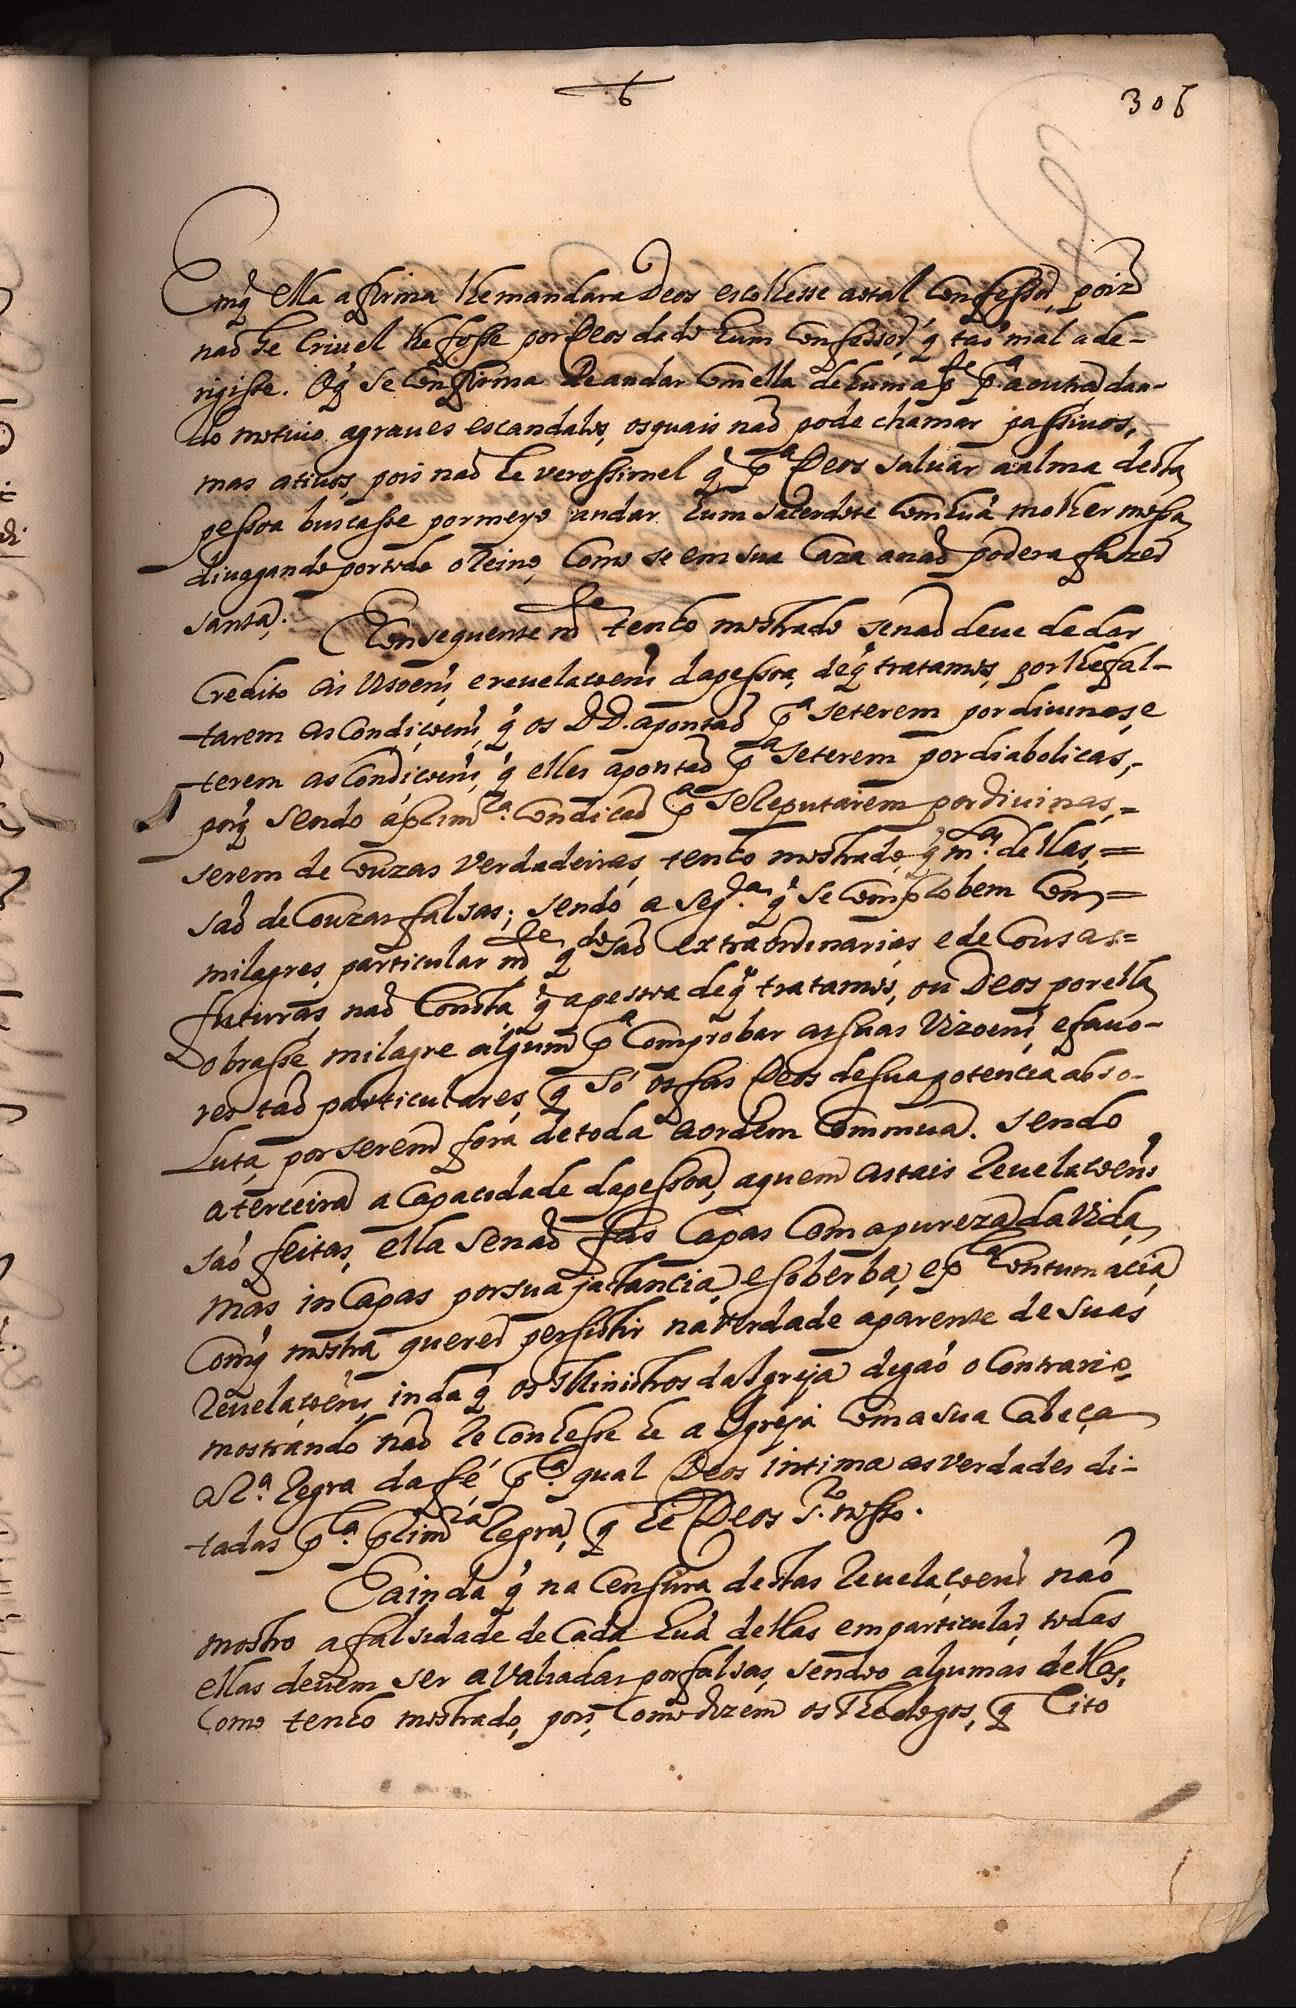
306
Em q̄ ella affirma lhe mandara Deos escolhesse ao tal Confessor, poiz
naõ he criuel lhe fosse por Deos dado hum Confessor, q̄ taõ mal a de
rigisse. O q̄ se confirma de andar Com ella de huma p.te p.a a outra dan
do motiuo a graues escandalos, os quais naõ pode chamar passiuos,
mas atiuos, pois naõ he verosimel, q̄ p.a Deos saluar a alma desta
pessoa buscasse por meyo andar hum sacerdote Com huā molher mossa
diuagando por todo o Reino, Como se em sua Caza a naõ podera fazer
Santa;
E Consequentemte tenho mostrado se naõ deue de dar
Credito às visoen̄s, e reuelaçoen̄s da pessoa, de q̄ tratamos, por lhe fal
tarem as condiçoens̄, q̄ os DD. apontaõ pa se terem por diuinas, e
terem as condiçoen̄s, q̄ elles apontaõ pa se terem por diabolicas,
porq̄ sendo a pRim.ra condiçaõ pa se Reputarem por diuinas,
serem de Couzas verdadeiras, tenho mostrado, q̄ m.tas dellas
saõ de Couzas falsas; sendo a seg.da q̄ se compRobem Com
milagres, particularmte qdo saõ extraordinarias, e de Cousas
futuras, naõ Consta, q̄ a pessoa de q̄ tratamos, ou Deos por ella
obrasse milagre algum pa Comprobar as suas vizoens̄, e fauo
res taõ particulares, q̄ só os fas Deos de sua potencia abso
Luta, por serem fora de toda a ordem Commua. Sendo
a terceira a capacidade da pessoa, a quem as tais Reuelaçoen̄s
saõ feitas, ella se não fas Capas Com a pureza da vida,
mas inCapas por sua jactancia, e soberba, e p.la Contumacia,
Com q̄ mostra querer persistir na verdade aparente de suas
Reuelaçoen̄s inda q̄ os Ministros da Igreja digaõ o Contrario
mostrando naõ Reconhesse he a Igreja Com a sua Cabeça
a 2.a Regra da fé, p.la qual Deos intima as verdades di
tadas p.la pRimra Regra, q̄ he Deos s.ro nosso.
E ainda q̄ na Censura destas Reuelaçoens̄ naõ
mostro a falsidade de Cada huā dellas em particular, todas
ellas deuem ser avaliadas por falsas, sendoo algumas dellas,
Como tenho mostrado, pois, Como dizem os Theologos, q̄ Cito
